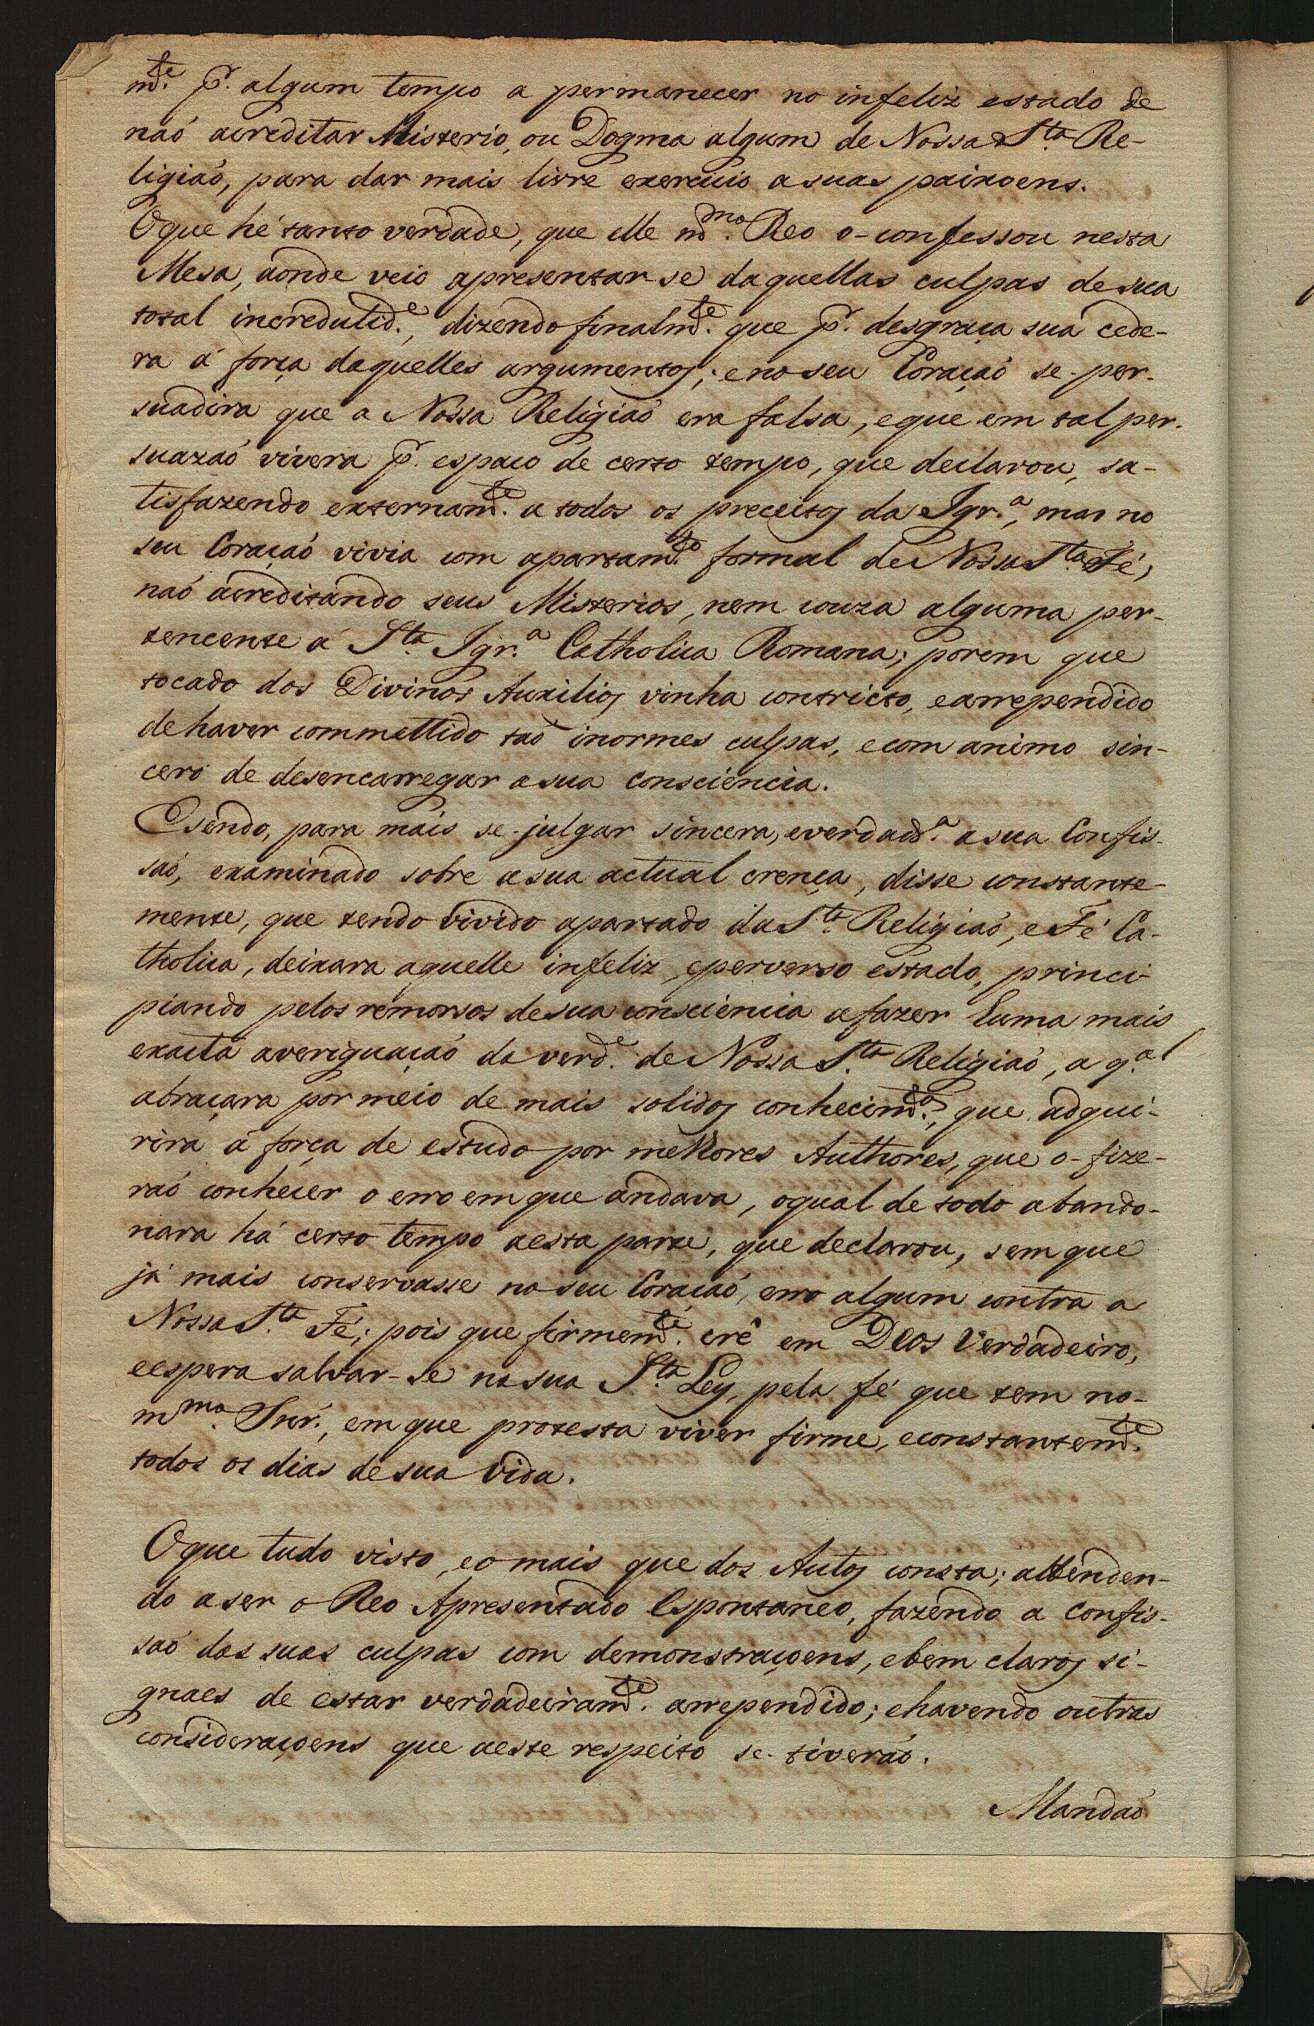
m.te p.r algum tempo a permanecer no infeliz estado de
naõ acreditar Misterio, ou Dogma algum da Nossa S.ta Re
ligiaõ, para dar mais livre exercicio a suas paixoens.
O que hé tanto verdade, que elle m.mo Reo o-confessou nesta
Mesa, aonde veio apresentar-se daquellas culpas de sua
total incredulid.e, dizendo finalm.te que p.a desgraça sua cede
ra á força daquelles argumentos; e no seu Coraçaõ se-per
suadira que a Nossa Religiaõ era falsa, e que em tal per
suazaõ vivera p.r espaço de certo tempo, que declarou, sa
tisfazendo externam.te a todos os preceitos da Igr.a, mas no
seu Coraçaõ vivia com apartam.to formal de Nossa S.ta Fé,
naõ acreditando seus Misterios, nem couza alguma per
tencente a S.ta Igr.a Catholica Romana; porem que
tocado dos Divinos Auxilios vinha contricto, e arrependido
de haver commettido taõ inormes culpas, e com animo sin
cero de desencarregar a sua consciencia.
E sendo, para mais se-julgar sincera, e verdad.a a sua Confis
saõ, examinado sobre a sua actual crença, disse constante
mente, que tendo vivido apartado da S.ta Religiaõ, e Fé Ca
tholica, deixara aquelle infeliz, e perverso estado, princi
piando pelos remorsos de sua consciencia a fazer huma mais
exacta averiguaçaõ de verd.e de Nossa S.ta Religiaõ, a q.al
abraçara por meio de mais solidos conhecim.tos, que adqui
rira á força de estudo por melhores Authores, que o-fize
raõ conhecer o erro em que andava, o qual de todo abando
nara há certo tempo a esta parte, que declarou, sem que
já mais conervasse no seu Coraçaõ, erro algum contra a
Nossa S.ta Fé; pois que firmem.te crê em Deos Verdadeiro,
e espera salvar-se na sua S.ta Ley, pela fé que tem no
m.mo Snr., em que protesta viver firme, e constantem.te
todos os dias de sua vida.
O que tudo visto, e o mais que dos Autos consta; attenden
do a ser o Reo Apresentado espontaneo, fazendo a confis
saõ das suas culpas com demonstraçoens, e bem claros si
gnaes de estar verdadeiram.te arrependido; e havendo outras
consideraçoens que neste respeito se fizeraõ
Mandaõ
